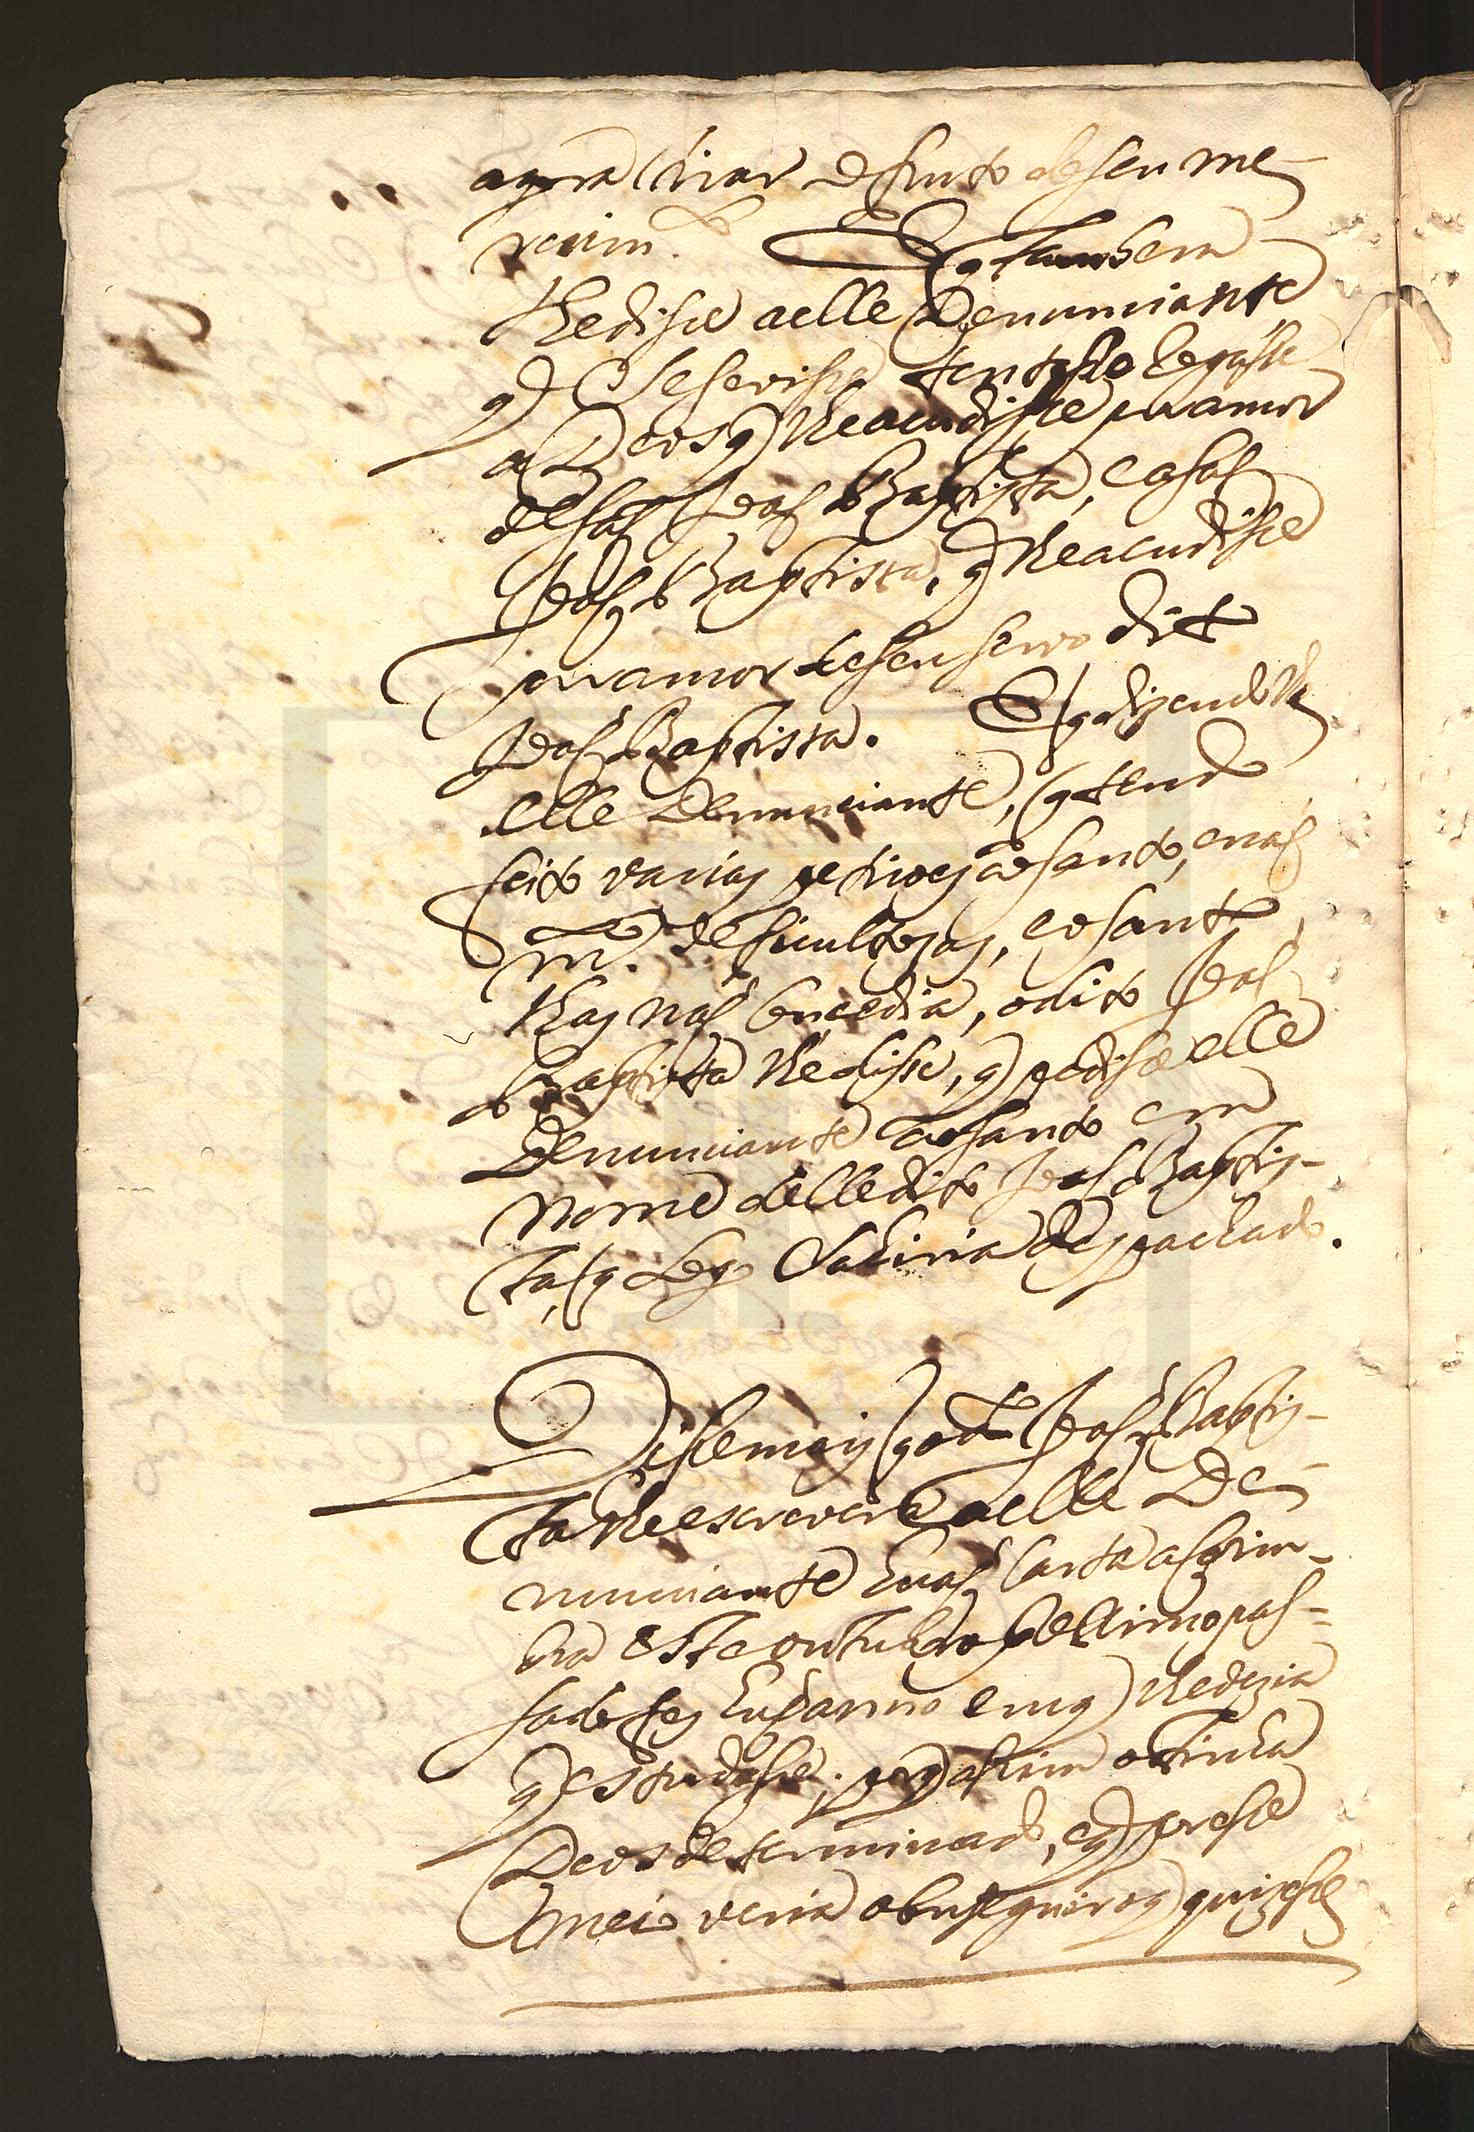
agora tirar o fruto de seu me
recim.to E q̄ tambem
lhe disse a elle Denunciante
q̄ Se se visse tentado Rogasse
a Deos q̄ lhe acudisse por amor
de Saõ Joaõ Baptista, e a Saõ
Joaõ Baptista, q̄ lhe acudisse
por amor de seu servo dito
Joaõ Baptista. E q̄ dizendolhe
elle Denunciante, q̄ tendo
feito varias petiçoes ao santo, e naõ
m.to deficultosas, e o santo
lhas naõ Concedia, o dito Joaõ
Baptista lhe disse, q̄ pedise elle
Denunciante ao Santo em
nome delle dito Joaõ Baptis
ta, q̄ Logo Sahiria despachado.
Disse mais q̄ o d̄o Joaõ Baptis
ta lhe escrevera a elle De
nunciante huã Carta a Coim
bra Este outubro pRoximo pas
sado fez hū anno em q̄ lhe dezia
q̄ estudasse; porq̄ assim o tinha
Deos determinado, e q̄ por esse
meio veria a Conseguir o q̄ quizesse
